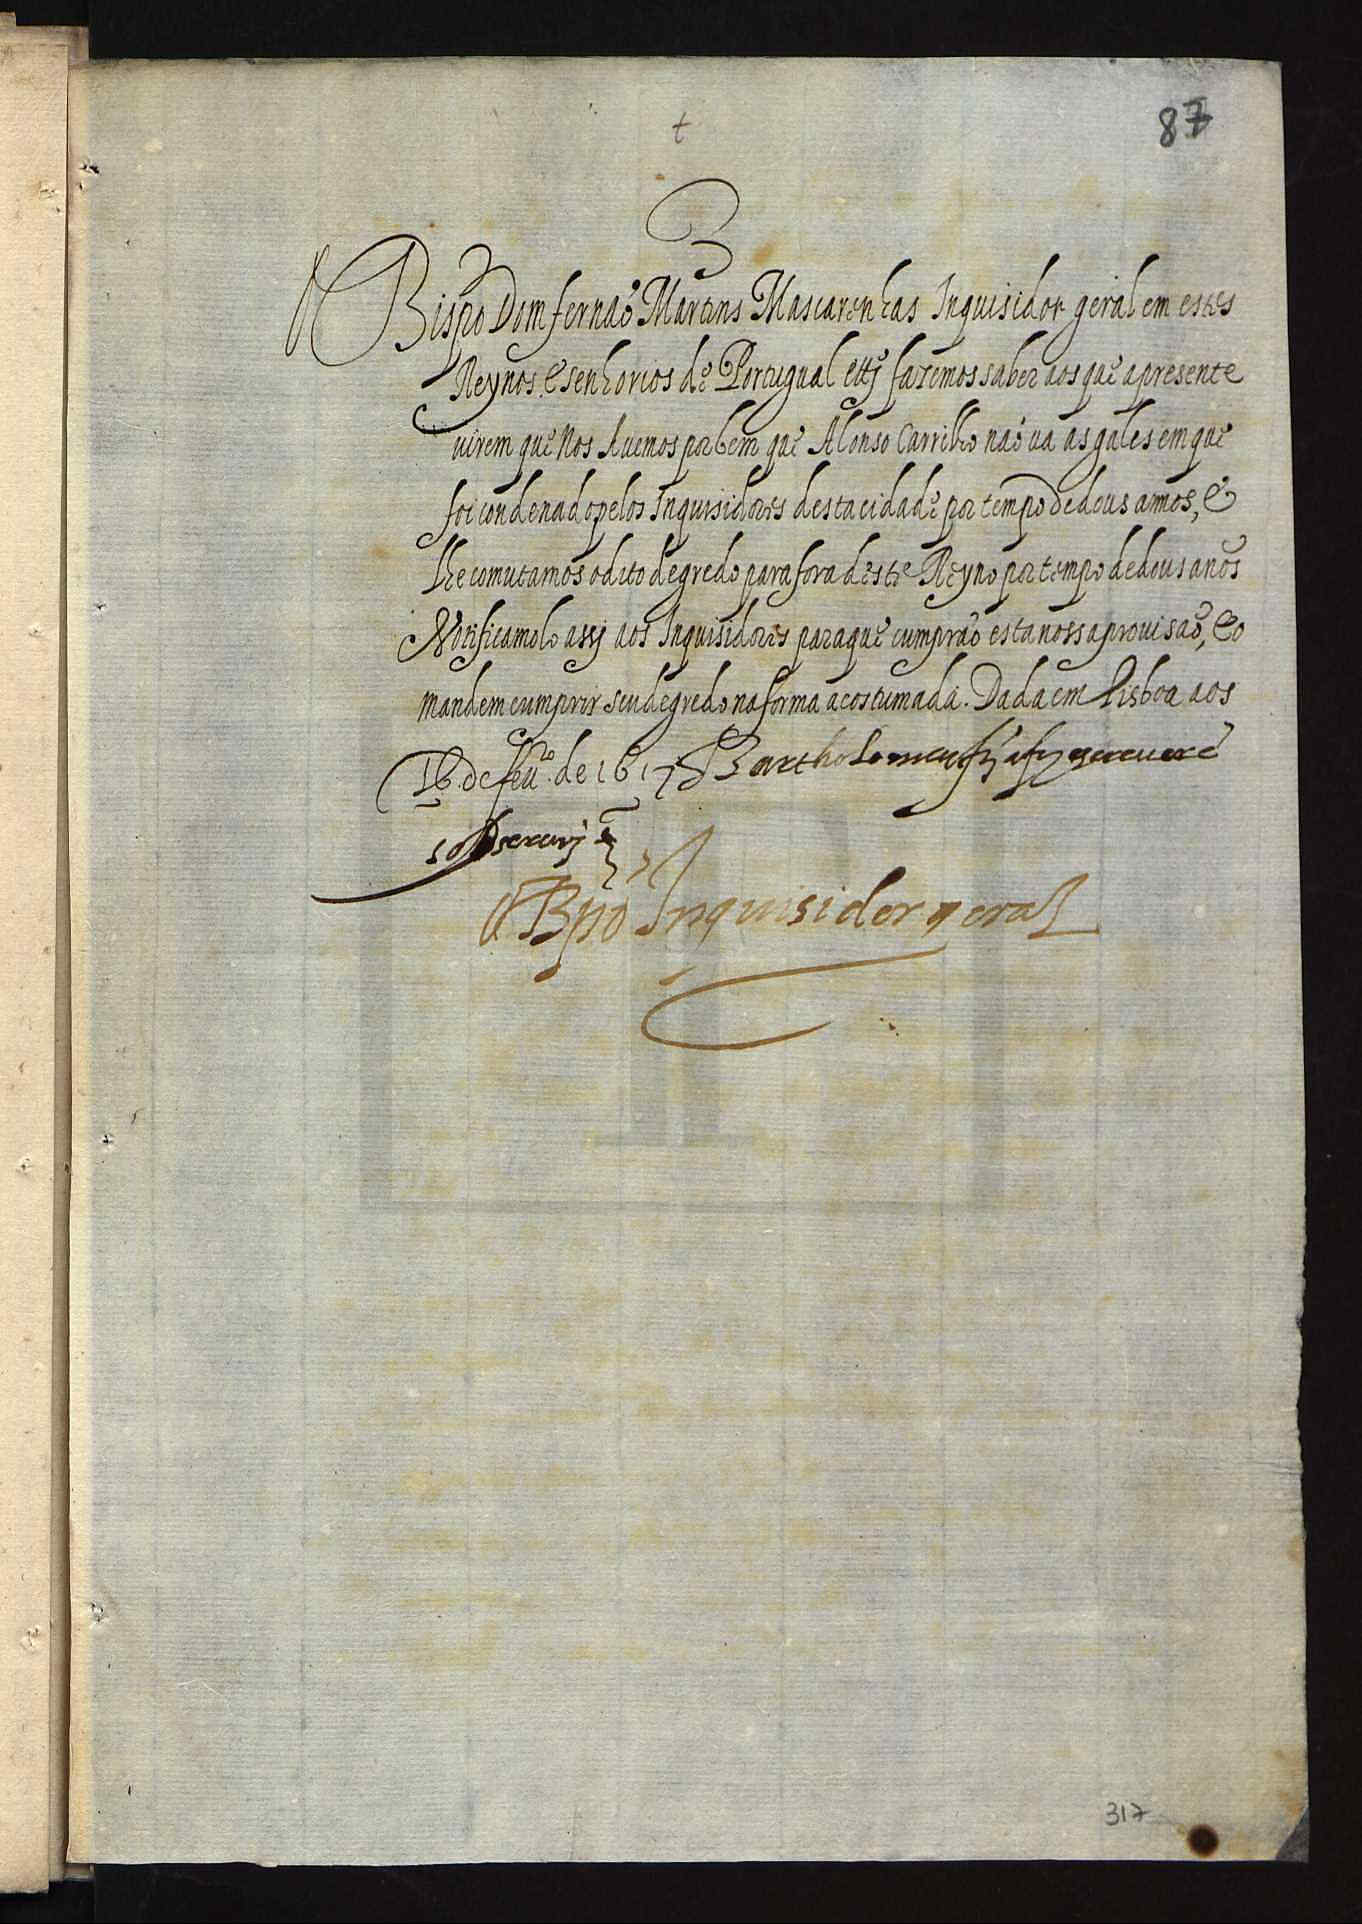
O Bispo Dom fernaõ Martins Mascarenhas Inquisidor geral em estes
Reynos e senhorios de Portugual ettꝭ fazemos saber aos que a presente
uirem que nos Auemos por bem que Alonso Carrilho naõ ua as gales em que
foi condenado pelos Inquisidores desta cidade por tempo de dous annos, E
lhe comutamos o dito degredo para fora deste Reyno por tempo de dous anōs
Notificamolo assj aos Inquisidores para que cumpraõ esta nossa prouisaõ, e
mandem cumprir seu degredo na forma acostumada. Dada em Lisboa aos
16 de feu.ro de 1617 Bartholomeu frz̄ a fiz escreuer e
sobscrevj
O Bpō Inquisidor geraL
